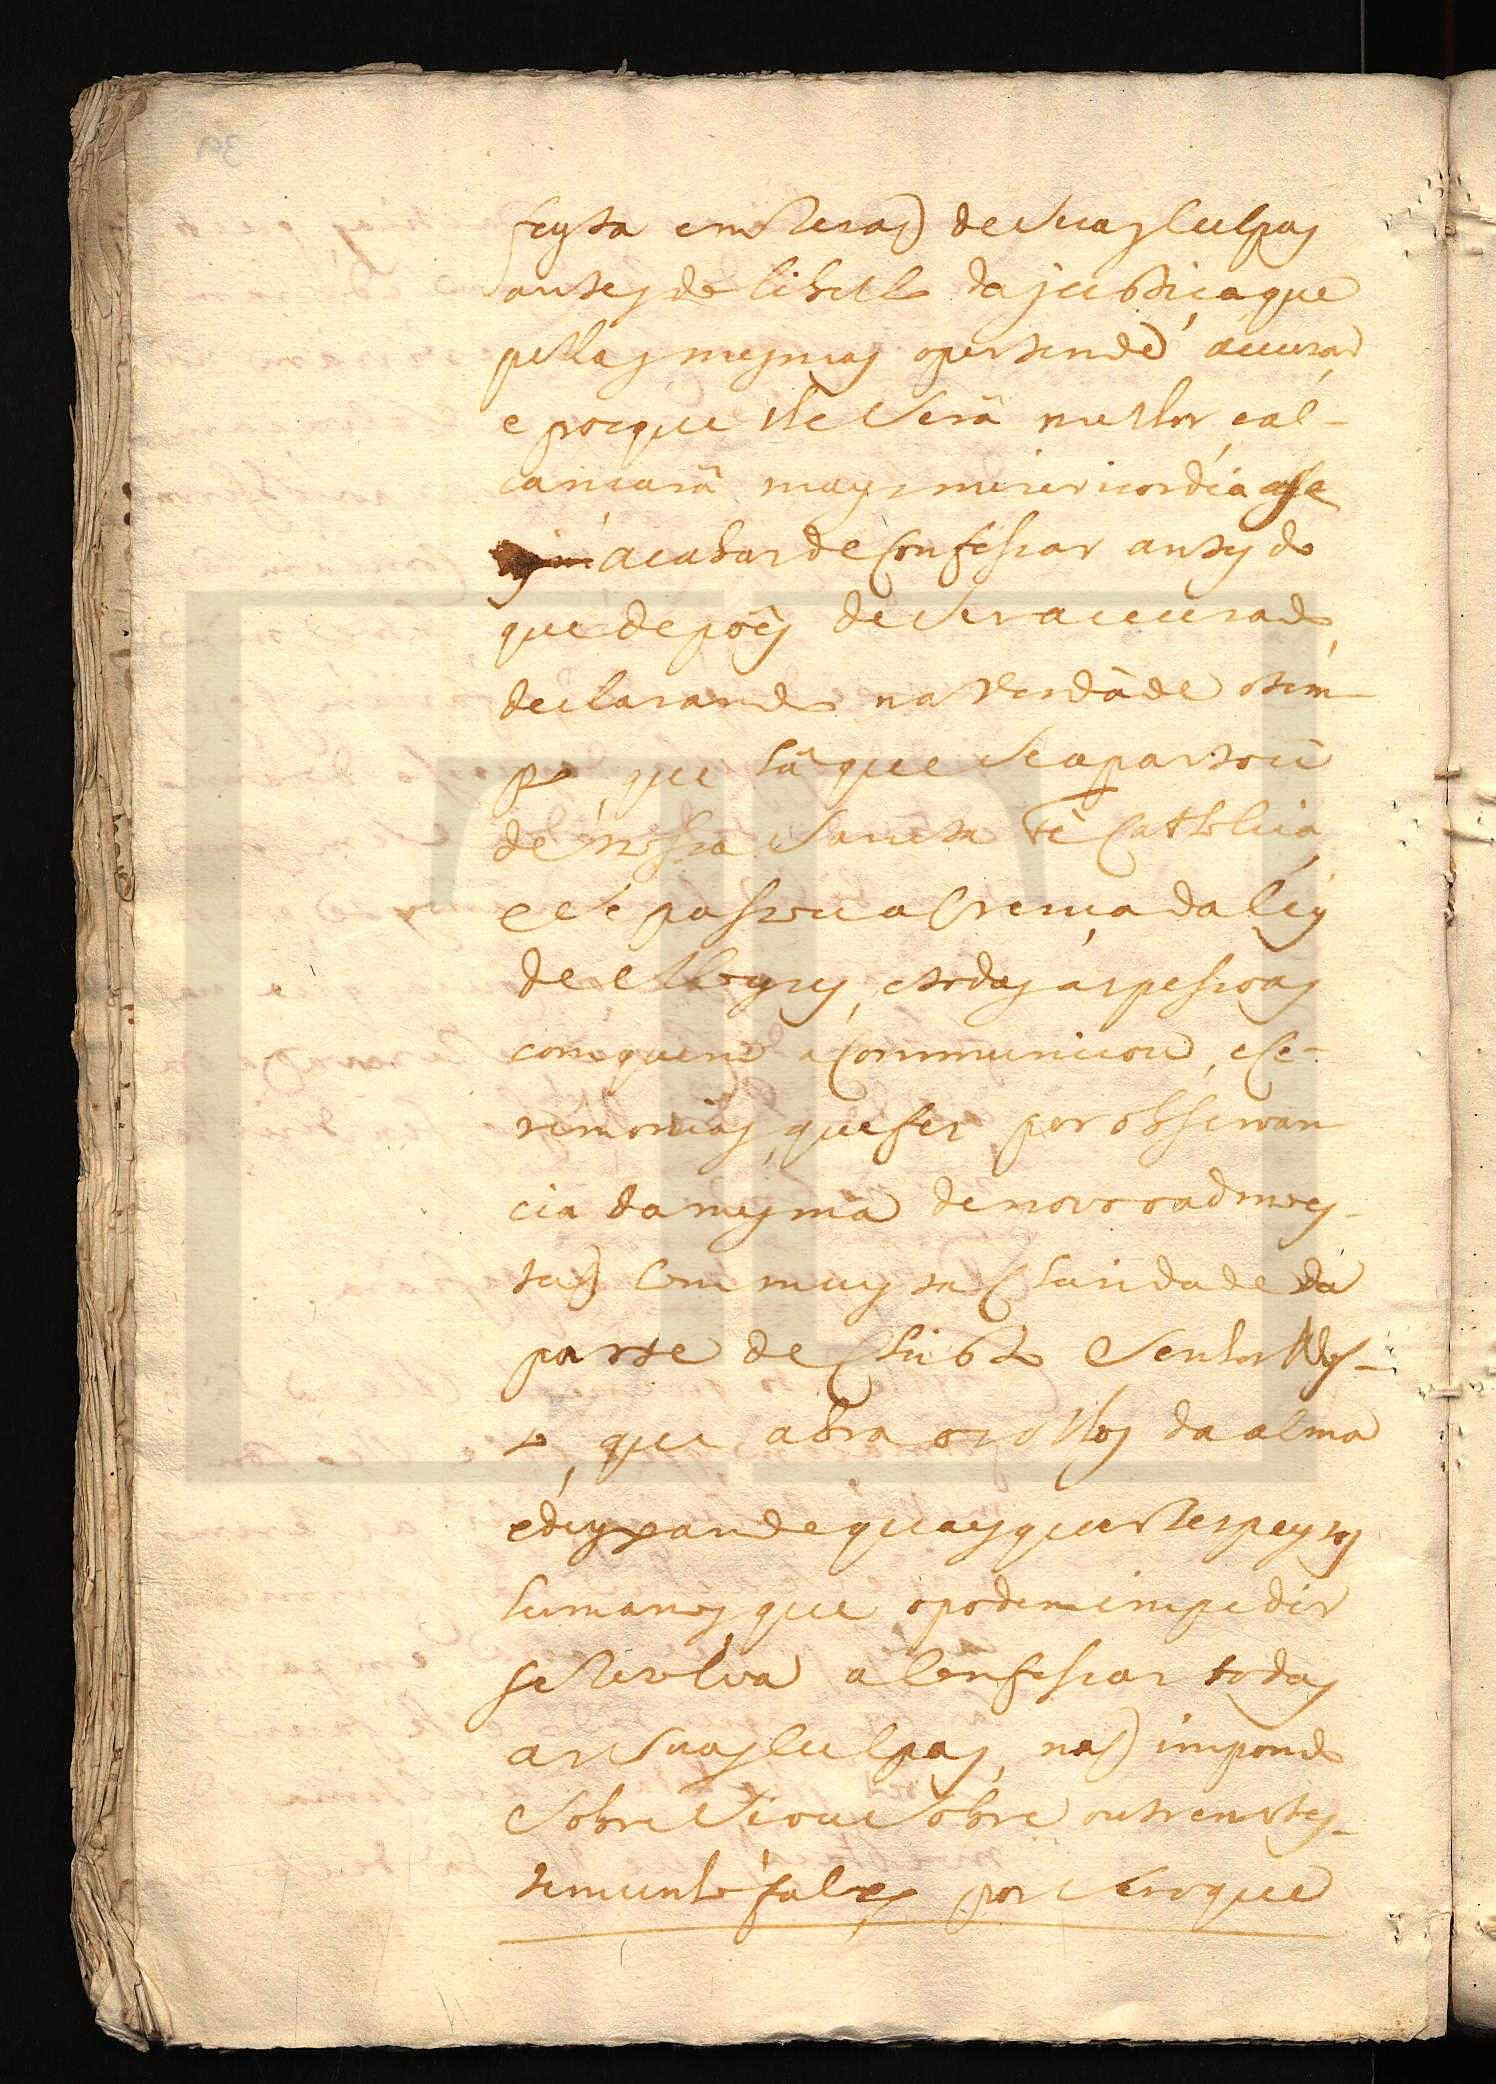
feyta em Rezaõ de Suas Culpas
antes do libello da justiça que
pellas mesmas o pertende accusar
e porque lhe será melhor, e al
cançarâ mays misericordia ate
acabar de Confessar antes do
que depoês de ser accusado,
declarando na verdàde o tem
po, que hâ que se apartou
de nossa Sancta Fè Catholica,
e se passou a Crença da ley
de Moyzes, e todas as pessoas
com quem a Communicou, e Ce
remonias, que fez por observan
cia da mesma de novo o admoes
taõ com muyta Charidade da
parte de Christo Senhor Nos
so, que abra os olhos da alma
e deyxando quaesquer respeytos
humanos, que o podem impedir
se rezolva a Confessar todas
as suas culpas, naõ impondo
Sobre Si ou Sobre outrem tes
temunho falço por ser o que
